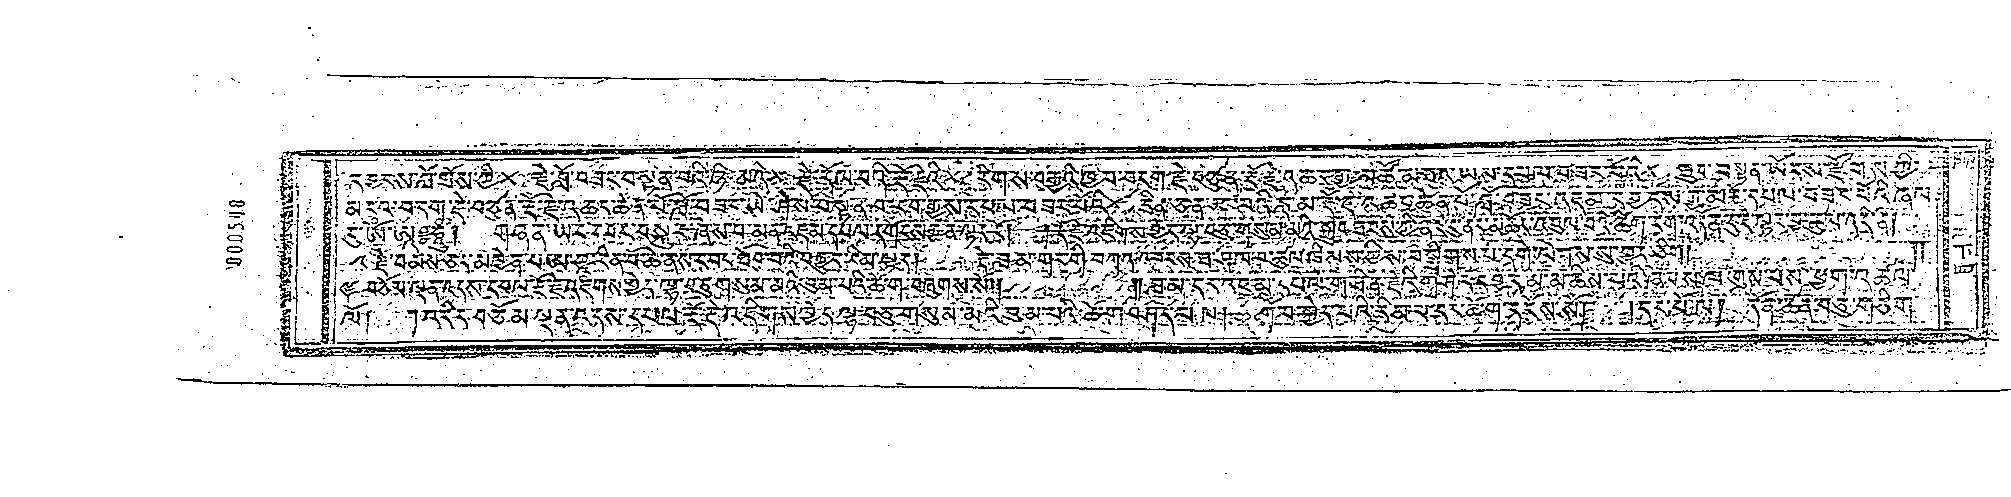དབྱངས་བློ་གྲོས་ཀྱི་྾་རྗེ་བློ་བཟང་བསྟན་པའི་ཉི་མའི་྾་རྗེ་རོལ་བའི་རྡོ་རྗེའི་྾་རིགས་བརྒྱའི་ཁྱབ་བདག་རྗེ་བཙུན་རྡོ་རྗེ་འཆང་རྒྱ་མཚོ་མཐའ་ཡས་དཔལ་བཟང་པོའི་྾་ཐུབ་བསྟན་ཡོངས་རྫོགས་ཀྱི་
མདའ་བདག་རྗེ་བཙུན་རྡོ་རྗེ་འཆང་ཆེན་པོ་བློ་བཟང་ཡེ་ཤེས་བསྟན་པ་རབ་རྒྱས་དཔལ་བཟང་པོའི་྾་དྲིན་ཅན་རྩ་བའི་བླ་མ་རྡོ་རྗེ་འཆང་ཆེན་པོ་བློ་བཟང་འཇམ་དབྱངས་རྒྱ་མཚོ་དཔལ་བཟང་པོའི་ཞལ་
དུ་ཨོཾ་ཨཱཿ་ཧཱུཾ། གཞན་ཡང་དབང་བསྐུར་ཞེས་པ་མན་འཇམ་དཔལ་དགོངས་རྒྱན་ལྟར་རོ། །རྡོ་རྗེ་འཇིགས་བྱེད་ལྷ་བཅུ་གསུམ་མའི་སྒྲུབ་ཐབས་ཀྱི་ནང་དུ་ནང་མཆོད་འབུལ་བའི་ཚིགས་དག་འདོན་དུ་ཇི་ལྟར་བྱ་ཚུལ་འདི་ནི།
༧་རྗེ་ཐམས་ཅད་མཁྱེན་པ་ཨ་ཀྱཱ་རིན་པོ་ཆེ་ནས་དབང་ཐོབ་པའི་བརྒྱུར་རིམ་ལྟར། རྗེ་བླ་མ་གང་གི་བཀའ་འབངས་ཐ་ཤལ་བ་ཚུལ་ཁྲིམས་ཀྱིས་བསྒྲིགས་པ་དགེ་ལེགས་སུ་གྱུར་ཅིག། །།
༧་བཅོམ་ལྡན་འདས་དཔལ་རྡོ་རྗེ་འཇིགས་བྱེད་ལྷ་བཅུ་གསུམ་མའི་བུམ་པའི་ཆོ་ག་བཞུགས་སོ།། །།བླ་མ་དང་འཇམ་དཔལ་གཤིན་རྗེའི་གཤེད་དབྱེར་མ་མཆིས་པའི་ཞབས་ལ་གུས་པས་ཕྱག་འཚལ་
ལོ། །འདིང་བཅོམ་ལྡན་འདས་དཔལ་རྡོ་རྗེ་འཇིགས་བྱེད་ལྷ་བཅུ་གསུམ་མའི་བུམ་པའི་ཆོ་ག་བཤད་པ་ལ། གོ་བ་སྐྱེད་པའི་རིམ་པ་དང་ཆོ་ག་དངོས་སོ། །དང་པོ་ལ། དོན་ཚན་བཅུ་གཅིག་